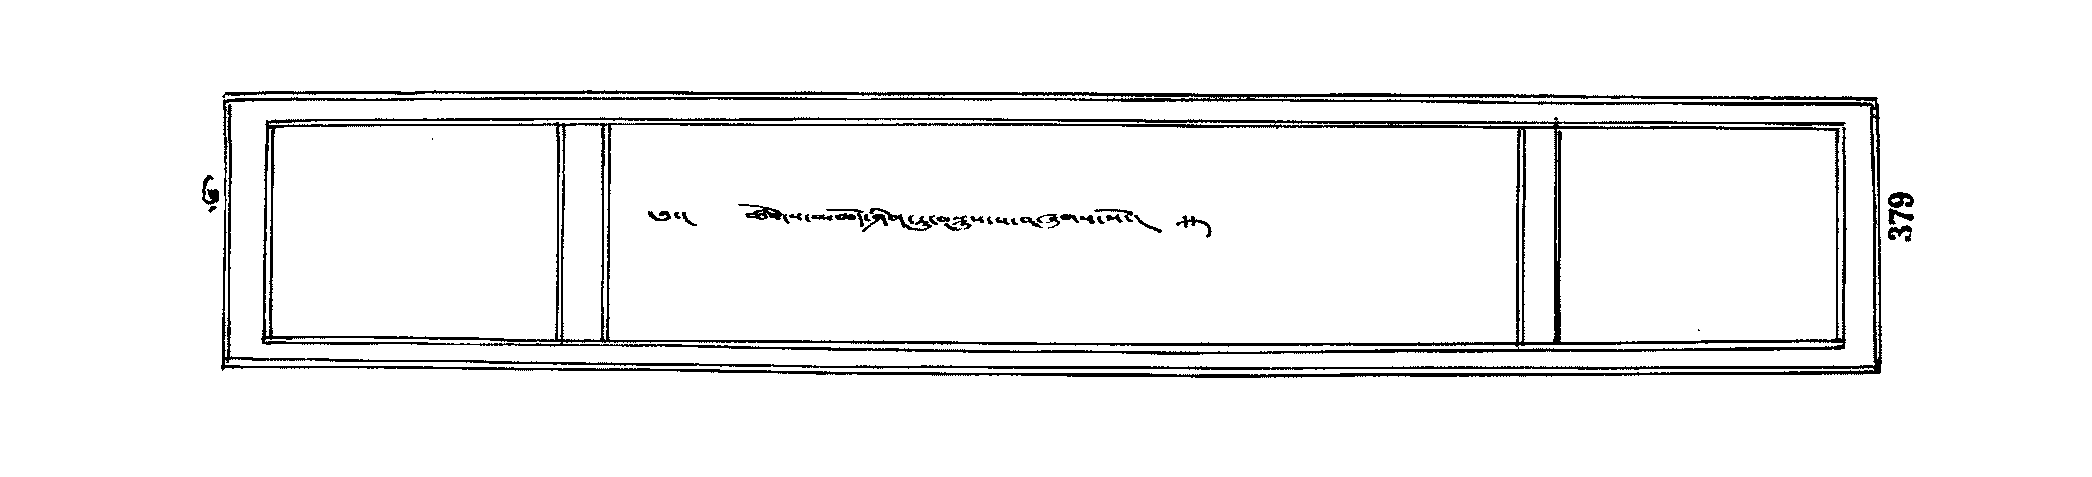ཚོགས་མཆོད་ཤིན་ཏུ་བསྡུས་པ་བཞུགས་སོ།